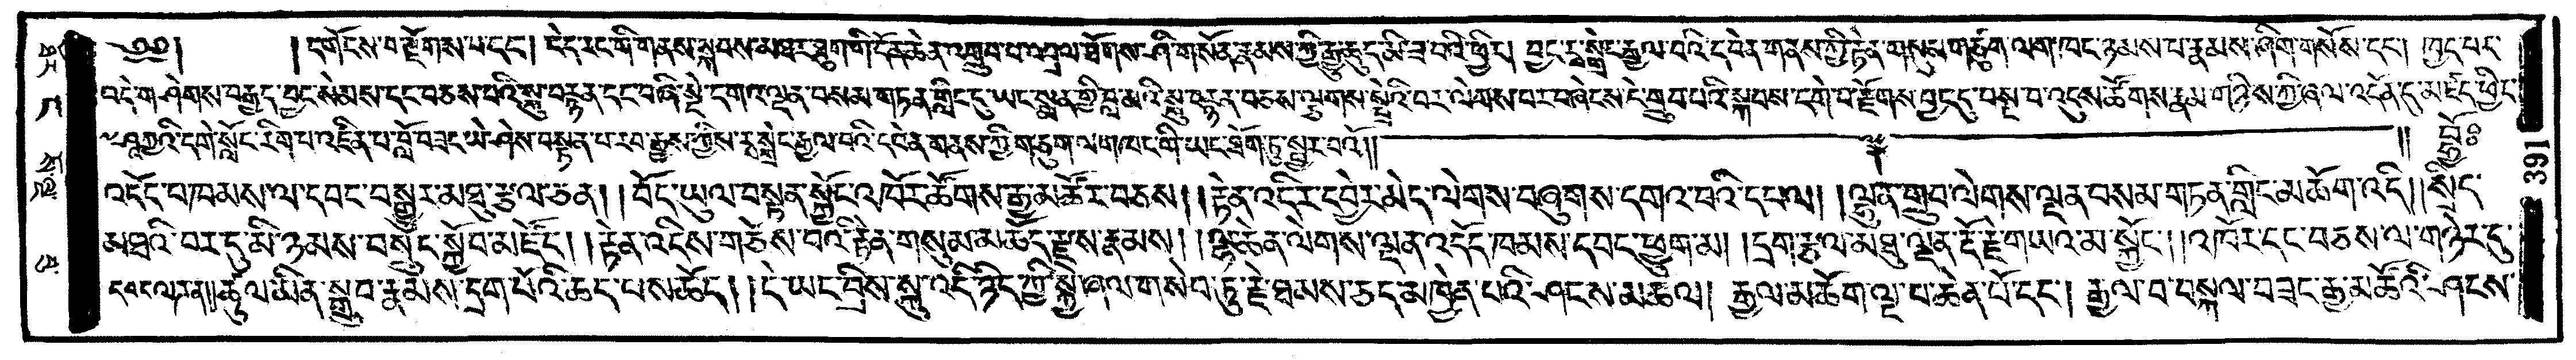༄༅། །དགོངས་པ་རྫོགས་པ་དང་། ངེད་རང་གི་གནས་སྐབས་མཐར་ཐུག་གི་དོན་ཆེན་འགྲུབ་པ་འབྲལ་ཐོགས་ཤི་གསོན་རྣམས་ཀྱི་རྒྱུ་ཆུད་མི་ཟ་བའི་ཕྱིར། བྱང་རྭ་སྒྲེང་རྒྱལ་བའི་དབེན་གནས་ཀྱི་རྟེན་གསུམ་གཙུག་ལག་ཁང་ཉམས་པ་རྣམས་ཞིག་གསོས་དང་། ཁྱད་པར་
བདེ་གཤེགས་བརྒྱད་བྱང་སེམས་དང་བཅས་པའི་སྐུ་བརྙན་དང་བཞི་སྡེ་དགའ་ལྡན་བསམ་གཏན་གླིང་དུ་ཡང་སྨན་གྱི་བླ་མའི་སྐུ་བརྙན་བཅས་ལྕགས་སྤྲེའི་བར་ལེགས་པར་བཞེངས་དེ་གྲུབ་པའི་སྐབས་དགེ་བ་རྫོགས་བྱང་དུ་བསྔོ་བ་འདུས་ཚོགས་རྣམ་གཉིས་ཀྱི་ཞལ་འདོན་དུ་མཛད་ཕྱིར་
༧་ཤཱཀྱའི་དགེ་སློང་རིག་པ་འཛིན་པ་བློ་བཟང་ཡེ་ཤེས་བསྟན་པ་རབ་རྒྱས་ཀྱིས་རྭ་སྒྲེང་རྒྱལ་བའི་དབེན་གནས་ཀྱི་གཙུག་ལག་ཁང་གི་ཡང་ཐོག་ཏུ་སྦྱར་བའོ།། ༈ །།བྷྱོཿ
འདོད་པ་ཁམས་ལ་དབང་བསྒྱུར་མཐུ་རྩལ་ཅན། །བོད་ཡུལ་བསྟན་སྐྱོང་འཁོར་ཚོགས་རྒྱ་མཚོར་བཅས། །རྟེན་འདིར་དབྱེར་མེད་ལེགས་བཞུགས་དགའ་བའི་དཔལ། །ལྷུན་གྲུབ་ལེགས་ལྡན་བསམ་གཏན་གླིང་མཆོག་འདི། །སྲིད་
མཐའི་བར་དུ་མི་ཉམས་བསྲུང་སྐྱོབ་མཛོད། །རྟེན་འདིས་གཅོས་བའི་རྟེན་གསུམ་མཆོད་རྫས་རྣམས། །ལྷ་ཆེན་ལེགས་ལྡན་འདོད་ཁམས་དབང་ཕྱུག་མ། །དྲག་རྩལ་མཐུ་ལྡན་རྡོ་རྗེ་གཡའ་མ་སྐྱོང་། །འཁོར་དང་བཅས་ལ་གཉེར་དུ་
དབང་ལགས་ན། །ཚུལ་མིན་སྒྲུབ་རྣམས་དྲག་པོའི་ཆད་པས་ཆོད། །དེ་ཡང་བྲིས་སྐུ་འདི་ཉིད་ཀྱི་སྐྱེ་ཞལ་གསེབ་ཏུ་རྗེ་ཐམས་ཅད་མཁྱེན་པའི་ཤངས་མཚལ། རྒྱལ་མཆོག་ལྔ་པ་ཆེན་པོ་དང་། རྒྱལ་བ་བསྐལ་བཟང་རྒྱ་མཚོའི་ཤངས་